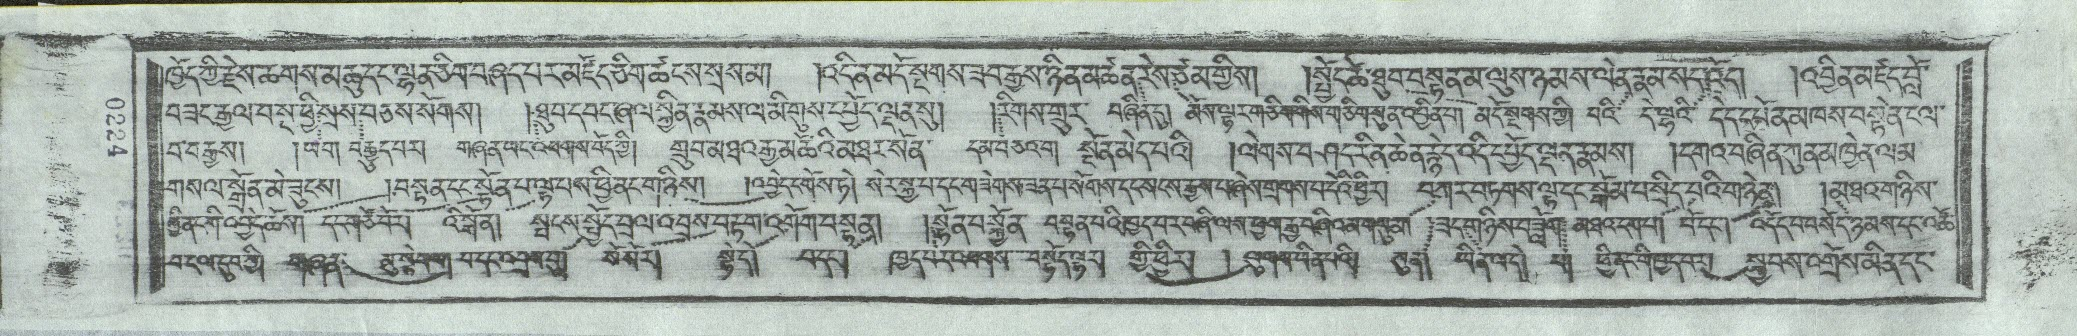ཁྱོད་ཀྱི་རྗེས་ཆགས་མཆུ་དང་ལྷན་ཅིག་བཞད་པར་མཛོད་ཅིག་ཚངས་སྲས་མ། །འདི་ན་མདོ་སྔགས་ཟབ་རྒྱས་ཉིན་མཚན་རེས་ཙམ་གྱིས། །སྤྱོད་ཚེ་ཐུབ་བསྟན་མ་ལུས་ཉམས་ལེན་རྣམ་སད་འོད། །འབྱིན་མཛད་བློ་
བཟང་རྒྱལ་བསྔ་ཕྱི་སྲས་བཅས་སོགས། །ཐུབ་དབང་ཞལ་སྐྱིན་རྣམས་ལ་མི་གུས་དཔྱོད་ལྡན་སུ། །རིགས་གྲུར་བཞིན་དུ། མེས་ལྟར་གཅིག་གིས་གཅིག་སུན་འབྱིན་པ། མདོ་སྔགས་ཀྱི། བའི་དེ་ལྷའི་དེད་དཔོན?་ནམ་ལས་བསྟེན་ངལ་
བ་བརྒྱས། །ཡབ། བརྒྱུད་པར། གཞན་ཡང་འབགས་བོད་ཀྱི། གྲུབ་མཐའ་རྒྱ་མཚོའི་མཐར་སོན་དམ་བཅའ་བ། སྔོན་མེད་པའི། །ལེགས་བཤད་རིན་ཆེན་རྙེད་འདི་དཔྱོད་ལྡན་རྣམས། །དགའ་བཞིན་ཀུན་མཁྱེན་ལམ་
གསལ་སྒྲོན་མེ་ཟུངས། །བསྟན་དང་སྟོན་པ་ལྟ་བས་ཕྱི་ནང་གཉིས། །འབྱེད་དགོས་ཏེ། སེར་སྐྱ་པ་དང་གཟེགས་ཟན་པ་སོགས་དང་སངས་རྒྱས་པ་ཞེས་གྲགས་པ་དེའི་ཕྱིར། བཀར་བཏགས་ལྟ་དང་སྒོམ་པ་སྲིད་པའི་གཉེན། །མཐའ་གཉིས་
ཕྱི་ནང་གི་འབྱེད་ཆོས། དར་གཙོ་བོར། འི་སྒོ་ན། སྤངས་སྤྱོད་བྲལ་འབྲས་བརྟག་འགོག་བསྟན། །སྟོན་པ་སྐྱོན་བསྟན་པའི་ཁྱད་པར་བཞི་ལས་ཕྱག་རྒྱ་བཞིའམ་གསུམ། ཟད་གཉིས་བཟློག་མཐའ་དག་པ། པོ་དང་། འདོད་པ་བསོད་ཉམས་དང་འཚོ་
བྔལ་དུབ་ཀྱི། གཞན་མུ་སྟེགས། པ་དང་འབྲས་བུ། སོ་སོར། སྟེ་དེ། བདང་། ཁྱད་པར་འཕགས་བསྟོད་ལྟར། གྱི་ཕྱིར། ལུགས་ཡིན་པའི། ཀུན། ཡིན་ལ་དེ། པ། ཕྱི་ནང་གི་ཁྱད་པ་པ་སྐྱབས་འགྲོས་མིན་དང་